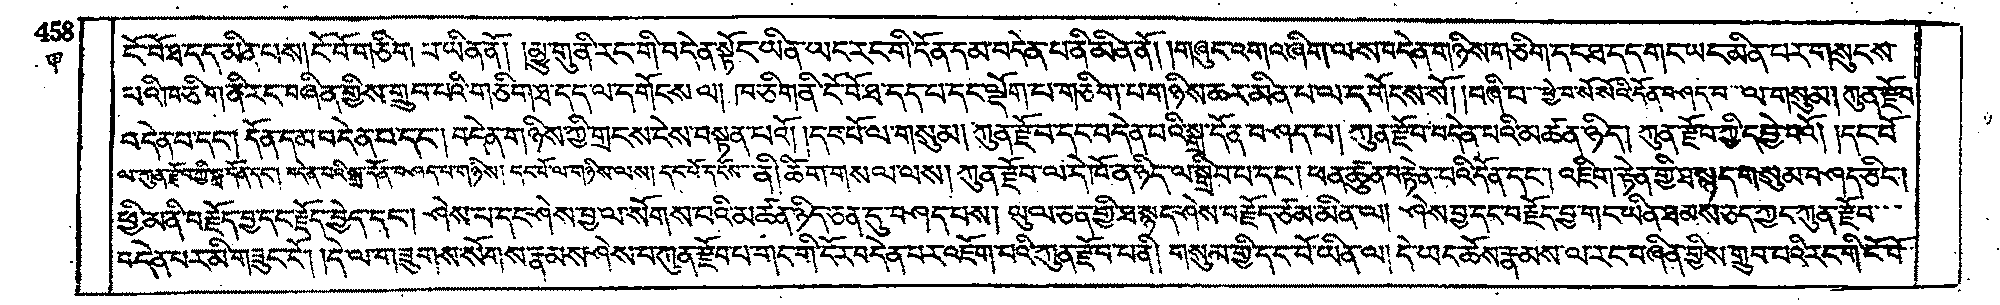ངོ་བོ་ཐ་དད་མིན་པས། ངོ་བོ་གཅིག་པ་ཡིན་ནོ། །མྱུ་གུ་ནི་རང་གི་བདེན་སྟོང་ཡིན་ཡང་རང་གི་དོན་དམ་བདེན་པ་ནི་མིན་ནོ། །གཞུང་འགའ་ཞིག་ལས་བདེན་གཉིས་གཅིག་དང་ཐ་དད་ཡང་མིན་པར་གསུངས་
པའི་ཁ་ཅིག་ནི་རང་བཞིན་གྱིས་གྲུབ་པའི་གཅིག་ཐ་དད་ལ་དགོངས་ལ། ཁ་ཅིག་ནི་ངོ་བོ་ཐ་དད་པ་དང་ལྡོག་པ་གཅིག་པ་གཉིས་ཆར་མིན་པ་ལ་དགོངས་སོ། །བཞི་པཕྱེ་བ་སོ་སོའི་དོན་བཤད་པ་ལ་གསུམ། ཀུན་རྫོབ་
བདེན་པ་དང་། དོན་དམ་བདེན་པ་དང་། བདེན་གཉིས་ཀྱི་གྲངས་ངེས་བསྟན་པའོ། །དང་པོ་ལ་གསུམ། ཀུན་རྫོབ་དང་བདེན་པའི་སྒྲ་དོན་བཤད་པ། ཀུན་རྫོབ་བདེན་པའི་མཚན་ཉིད། ཀུན་རྫོབ་ཀྱི་དབྱེ་བའོ། །དང་པོ་
ལ་ཀུན་རྫོབ་ཀྱི་སྒྲ་དོན་དང་། བདེན་པའི་སྒྲ་དོན་བཤད་པ་གཉིས། དང་པོ་ལ་གཉིས་ལས། དང་པོ་དངོས་ནི། ཚིག་གསལ་ལས། ཀུན་རྫོབ་ལ་དེ་ཁོ་ན་ཉིད་ལ་སྒྲིབ་པ་དང་། ཕན་ཚུན་བརྟེན་པའི་དོན་དང་། འཇིག་རྟེན་གྱི་ཐ་སྙད་གསུམ་བཤད་ཅིང་།
ཕྱི་མ་ནི་བརྗོད་བྱ་དང་རྗོད་བྱེད་དང་། ཤེས་པ་དང་ཤེས་བྱ་ལ་སོགས་པའི་མཚན་ཉིད་ཅན་དུ་བཤད་པས། ཡུལ་ཅན་གྱི་ཐ་སྙད་ཤེས་བརྗོད་ཙམ་མིན་ལ། ཤེས་བྱ་དང་བརྗོད་བྱ་གང་ཡིན་ཐམས་ཅད་ཀུན་རྫོབ་
བདེན་པར་མི་གཟུང་ངོ། །དེ་ལ་གཟུགས་སོགས་རྣམས་ཤེས་པ་ཀུན་རྫོབ་པ་གང་གི་ངོར་བདེན་པར་འཇོག་པའི་ཀུན་རྫོབ་པ་ནི། གསུམ་གྱི་དང་པོ་ཡིན་ལ། དེ་ཡང་ཆོས་རྣམས་ལ་རང་བཞིན་གྱིས་གྲུབ་པའི་རང་གི་ངོ་བོ་